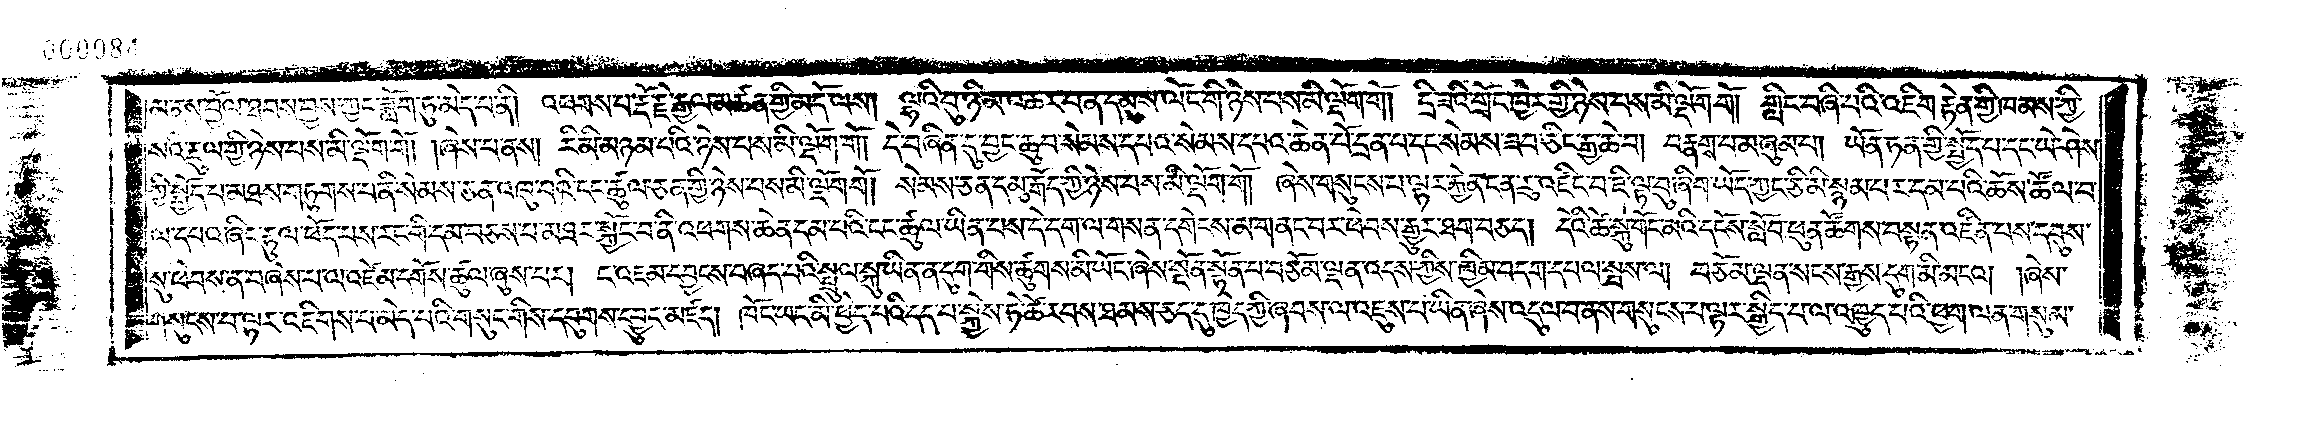མ་ནས་བྱོལ་ཐབས་བྱས་ཀྱང་ཟློག་ཏུ་མེད་པ་ནི། འཕགས་པ་རྡོ་རྗེ་རྒྱལ་མཚན་གྱི་མདོ་ལས། ལྷའི་བུ་ཉི་མ་འཆར་བ་ན་དམུས་ལོང་གི་ཉེས་པས་མི་ལྡོག་གོ། དྲི་ཟའི་གྲོང་ཁྱེར་གྱི་ཉེས་པས་མི་ལྡོག་གོ། གླིང་བཞི་པའི་འཇིག་རྟེན་གྱི་ཁམས་ཀྱི་
སའི་རྡུལ་གྱི་ཉེས་པས་མི་ལྡོག་གོ། །ཞེས་པ་ནས། རི་མི་མཉམ་པའི་ཉེས་པས་མི་ལྡོག་གོ། དེ་བཞིན་དུ་བྱང་ཆུབ་སེམས་དཔའ་སེམས་དཔའ་ཆེན་པོ་དྲན་པ་དང་སེམས་ཟབ་ཅིང་རྒྱ་ཆེ་བ། བརྣགས་པ་མ་ཞུམ་པ། ཡོན་ཏན་གྱི་སྤྱོད་པ་དང་ཡེ་ཤེས་
ཀྱི་སྤྱོད་པ་མཐས་གཏུགས་པ་ནི་སེམས་ཅན་འཁུ་བའི་དང་ཚུལ་ཅན་གྱི་ཉེས་པས་མི་ལྡོག་གོ། སེམས་ཅན་དམུ་རྒོད་ཀྱི་ཉེས་པས་མི་ལྡོག་གོ། ཞེས་གསུངས་པ་ལྟར་རྐྱེན་ངན་རུ་འཇིང་བ་ཇི་ལྟ་བུ་ཞིག་ཡོད་ཀྱང་ཅི་མི་སྙམ་པར་དམ་པའི་ཆོས་ཚོལ་བ་
ལ་དཔའ་ཞིང་རྟུལ་ཕོད་པས་རང་གི་དམ་བཅས་པ་མཐར་སྐྱོང་བ་ནི་འཕགས་ཆེན་དམ་པའི་ངང་ཚུལ་ཡིན་པས་དེ་དག་ལ་གསན་དགེངས་མ་གནང་བར་ཕེབས་རྒྱུར་ཐག་བཅད། དེའི་ཚེ་སྐུ་གོང་མའི་དངོས་སློབ་ཕུན་ཚོགས་བསྟན་འཛིན་པས་དབུས་
སུ་ཕེབས་ན་བཞེས་པ་ལ་འཇོམ་དགོས་ཚུལ་ཞུས་པར། ང་འཇམ་དབྱངས་བཞད་པའི་སྤྲུལ་སྐུ་ཡིན་ན་དུག་གིས་ཚུགས་མི་ཡོང་ཞེས་སྔོན་སྟོན་པ་བཅོམ་ལྡན་འདས་ཀྱིས་ཁྱིམ་བདག་དཔལ་སྤས་ལ། བཅོམ་ལྡན་སངས་རྒྱས་དུག་མི་མངའ། །ཞེས་
གསུངས་པ་ལྟར་འཇིགས་པ་མེད་པའི་གསུང་གིས་དབུགས་དབྱུང་མཛད། ཁོང་ཡང་མི་ཕྱེད་པའི་དད་པ་སྐྱེས་ཏེ་ཚེ་རབས་ཐམས་ཅད་དུ་ཁྱེད་ཀྱི་ཞབས་ལ་འཇུས་པ་ཡིན་ཞེས་འདུལ་བ་ནས་གསུངས་པ་ལྟར་སྒྱིད་པ་ལ་འཁྱུད་པའི་ཕྱག་ལན་གསུམ་